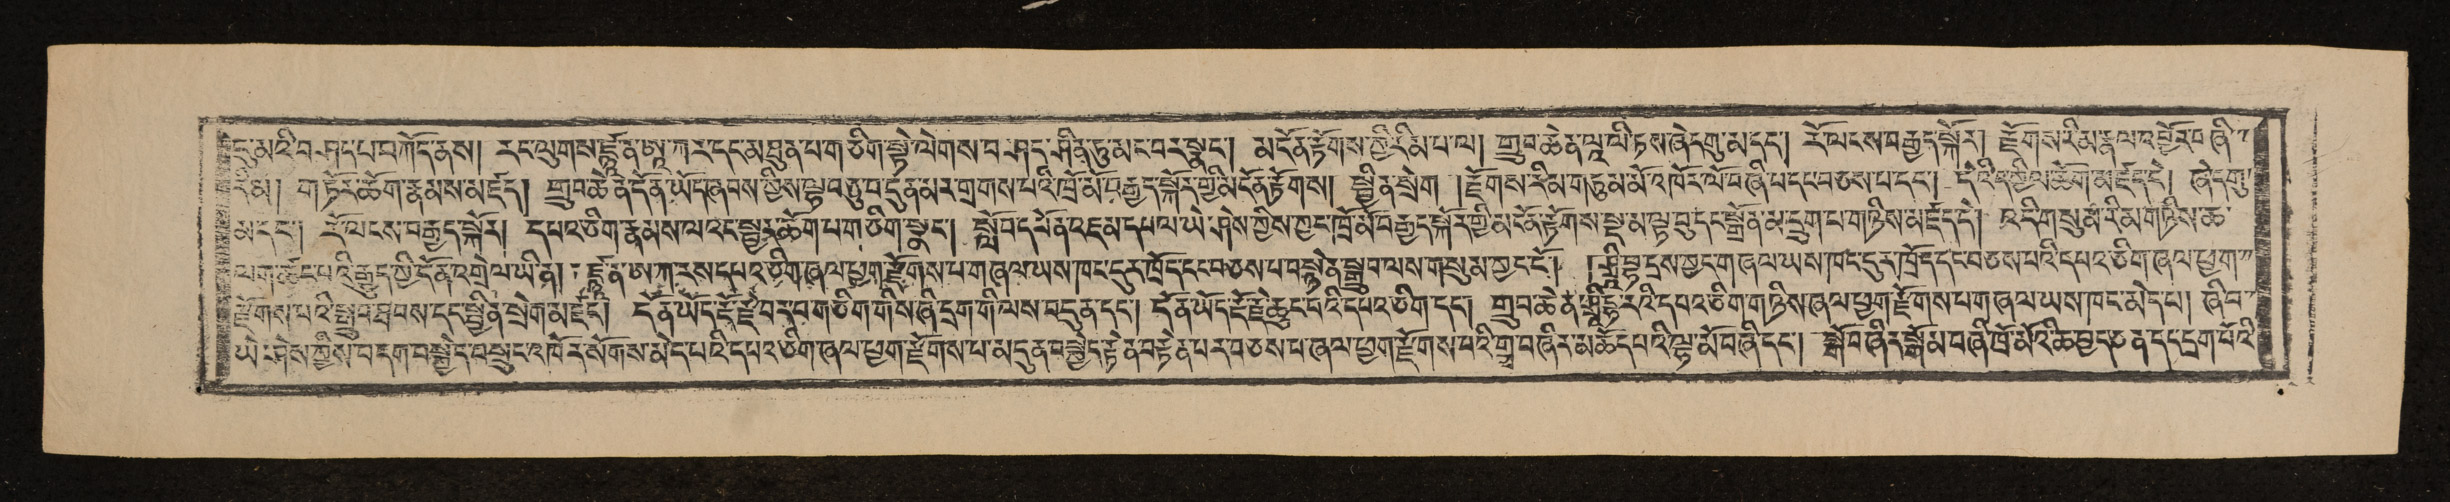དུ་མའི་བཤད་པ་བཀོད་ནས། རིང་ལུགས་ཛྙཱ་ན་ཨཱ་ཀ་ར་དང་མཐུན་པ་གཅིག་སྟེ་ལེགས་བཤད་ཤིན་ཏུ་མང་བར་སྣང་། མངོན་རྟོགས་ཀྱི་རིམ་པ་ལ། གྲུབ་ཆེན་ལཱ་ལི་ཏས་ཞེ་དགུ་མ་དང་། རོ་ལངས་བརྒྱད་སྐོར། རྫོགས་རིམ་རྣལ་འབྱོར་བཞི་
རིམ། གཏོར་ཆོག་རྣམས་མཛད། གྲུབ་ཆེན་དོན་ཡོད་ཞབས་ཀྱིས་ལྷ་བཅུ་བདུན་མར་གྲགས་པའི་ཁྲོ་མོ་བརྒྱད་སྐོར་གྱི་མངོན་རྟོགས། སྦྱིན་སྲེག །རྫོགས་རིམ་གཏུམ་མོ་འཁོར་ལོ་བཞི་བ་དང་བཅས་པ་དང་། དེའི་དཀྱིལ་ཆོག་མཛད་དེ། ཞེ་དགུ་
མ་དང་། རོ་ལངས་བརྒྱད་སྐོར། །དཔའ་ཅིག་རྣམས་ལའང་སྦྱར་ཆོག་པ་གཅིག་སྣང་། སློབ་དཔོན་འཇམ་དཔལ་ཡེ་ཤེས་ཀྱིས་ཀྱང་ཁྲོ་མོ་བརྒྱད་སྐོར་གྱི་མངོན་རྟོགས་སྔ་མ་ལྟ་བུ་དང་སྒྲོན་མ་དྲུག་པ་གཉིས་མཛད་དེ། འདི་གསུམ་རིམ་གཉིས་ཆ་
ལག་ཚང་བའི་རྒྱུད་ཀྱི་དོན་འགྲེལ་ཡིན། ཛྙཱ་ན་ཨ་ཀ་རས་དཔའ་ཅིག་ཞལ་ཕྱག་རྫོགས་པ་གཞལ་ཡས་ཁང་དུར་ཁྲོད་དང་བཅས་པ་བསྙེན་སྒྲུབ་ལས་གསུམ་ཀྱང་ངོ། །ཤྲཱི་བྷ་དྲས་ཀྱང་གཞལ་ཡས་ཁང་དུར་ཁྲོད་དང་བཅས་པའི་དཔའ་ཅིག་ཞལ་ཕྱག་
རྫོགས་པའི་སྒྲུབ་ཐབས་དང་སྦྱིན་སྲེག་མཛད། དོན་ཡོད་རྡོ་རྗེ་བར་བ་གཅིག་གིས་ཞི་དྲག་གི་ལས་བདུན་དང་། དོན་ཡོད་རྡོ་རྗེ་ཆུང་བའི་དཔའ་ཅིག་དང་། གྲུབ་ཆེན་ཤྲཱི་དྷ་རའི་དཔའ་ཅིག་གཉིས་ཞལ་ཕྱག་རྫོགས་པ་གཞལ་ཡས་ཁང་མེད་པ། ཞི་བ་
ཡེ་ཤེས་ཀྱིས་བདག་བསྐྱེད་བསྲུང་འཁོར་སོགས་མེད་པའི་དཔའ་ཅིག་ཞལ་ཕྱག་རྫོགས་པ་མདུན་བསྐྱེད་རྟེན་བརྟེན་པར་བཅས་པ་ཞལ་ཕྱག་རྫོགས་པའི་གྲྭ་བཞིར་མཆོད་པའི་ལྷ་མོ་བཞི་དང་། སྒོ་བཞིར་སྒོམ་བཞི་ཁྲོ་མོའི་ཆ་བྱད་ཅན་དང་དྲག་པོའི་